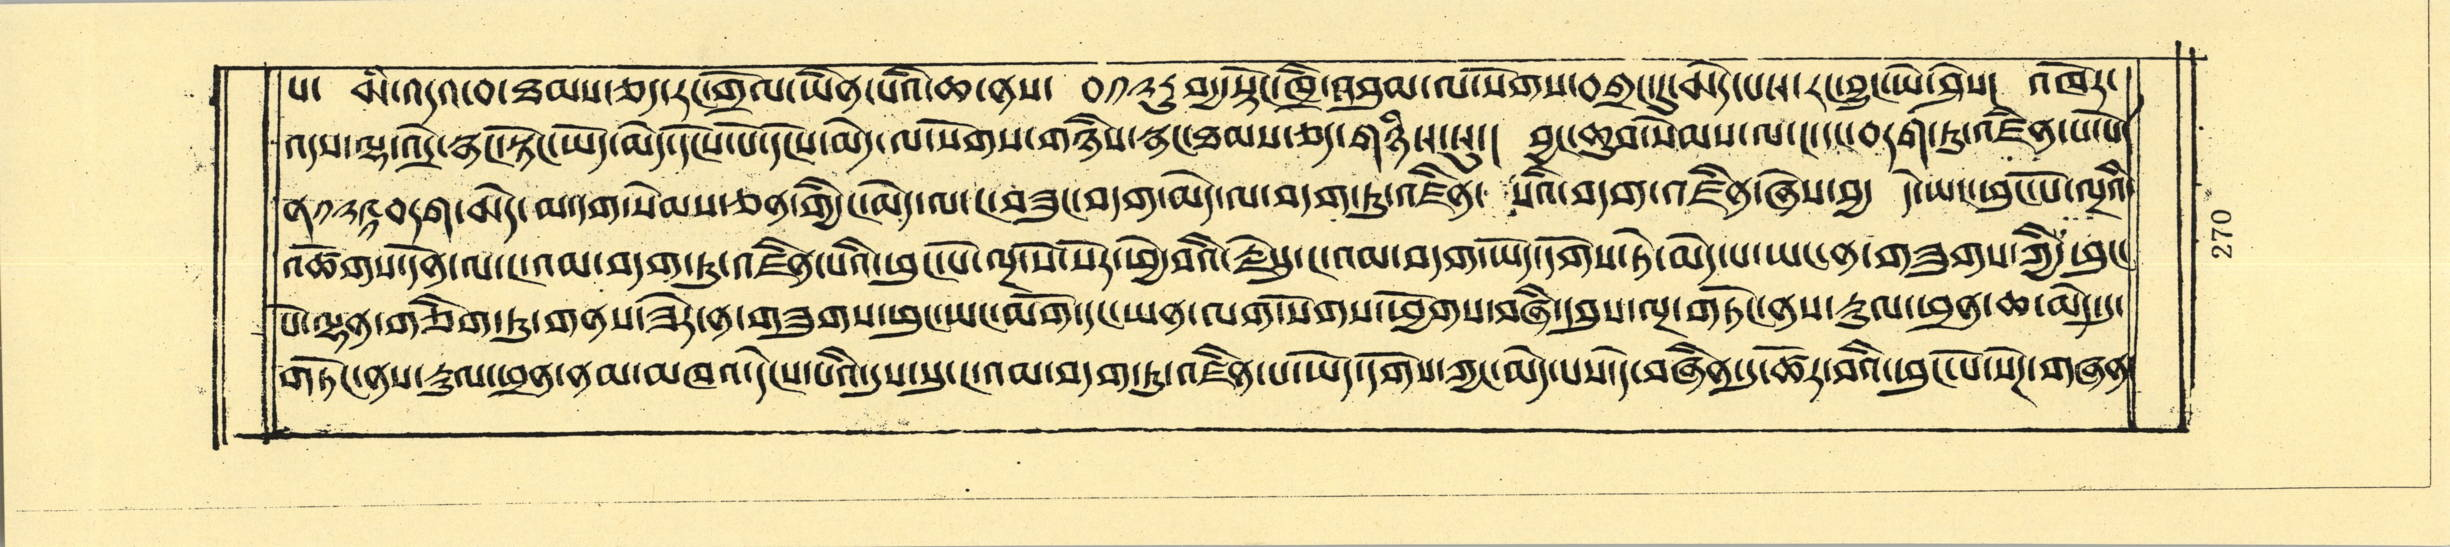པ། མི་འདའ་བ་ཐམས་ཅད་རང་གྲོལ་ཡིན་པའི་ཆ་ནས། བ༡༢༨།༦ བརྒྱ་སྟོང་ཁྲི་འབུམ་ལ་སོགས་བགྲང་བུ་མེད་པས་རང་བྱུང་ཡེ་ཤེས། འཁོར་
འདས་ལྷ་འདྲེ་སྣང་སྟོང་ཡོད་མེད་དངོས་པོ་དངོས་མེད་ལ་སོགས་གཉིས་སྣང་ཐམས་ཅདགཉིས་སུ་ བྱང་ཆུབ་སེམས་ལ་ང་དང་བདག་ཏུ་འཛིན་པ་པོ་
ན༡༢༩།༡ ༼བདག་མེད་༽མ་དག་སེམས་ཅན་གྱི་ང་མེད་ལ་ང་བཟུང་བདག་མེད་ལ་བདག་ཏུ་འཛིན་པའི་བདག་འཛིན་ཞེས་བྱ། དེ་ཡང་ཕུང་པོ་ལྔའི་
འཚོགས་དོན་ལ་ང་འམ་བདག་ཏུ་འཛིན་པའི་ཕུང་པོ་ལྔ་སོ་སོར་ཕྱེ་བའི་རྗེས་སུ་ང་འམ་བདག་ཡོད་དགོས་ཏེ་མེད་པ་ཡང་ན་གཟུགས་ཀྱི་ཕུང་
པོ་ལྷན་གཅིག་ཏུ་གནས་ཟེར་ན་གཟུགས་ཕུང་ཡང་མགོ་དང་ཡན་ལག་སོགས་ཕྱོགས་བཞི་དབུས་ལྔ་གཏོང་ནས་རྡུལ་ཕྲན་ཆ་མེད་དུ་
གཏོང་ནས་རྡུལ་ཕྲན་ནམ་མཁའ་དེངས་པའི་དུས་སུ་ང་འམ་བདག་ཏུ་འཛིན་པ་ཡོད་དགོས་ཀྱང་མེད་པས་དེ་བཞིན་དུ་ཚོར་བའི་ཕུང་པོ་སོགས་གཞན་